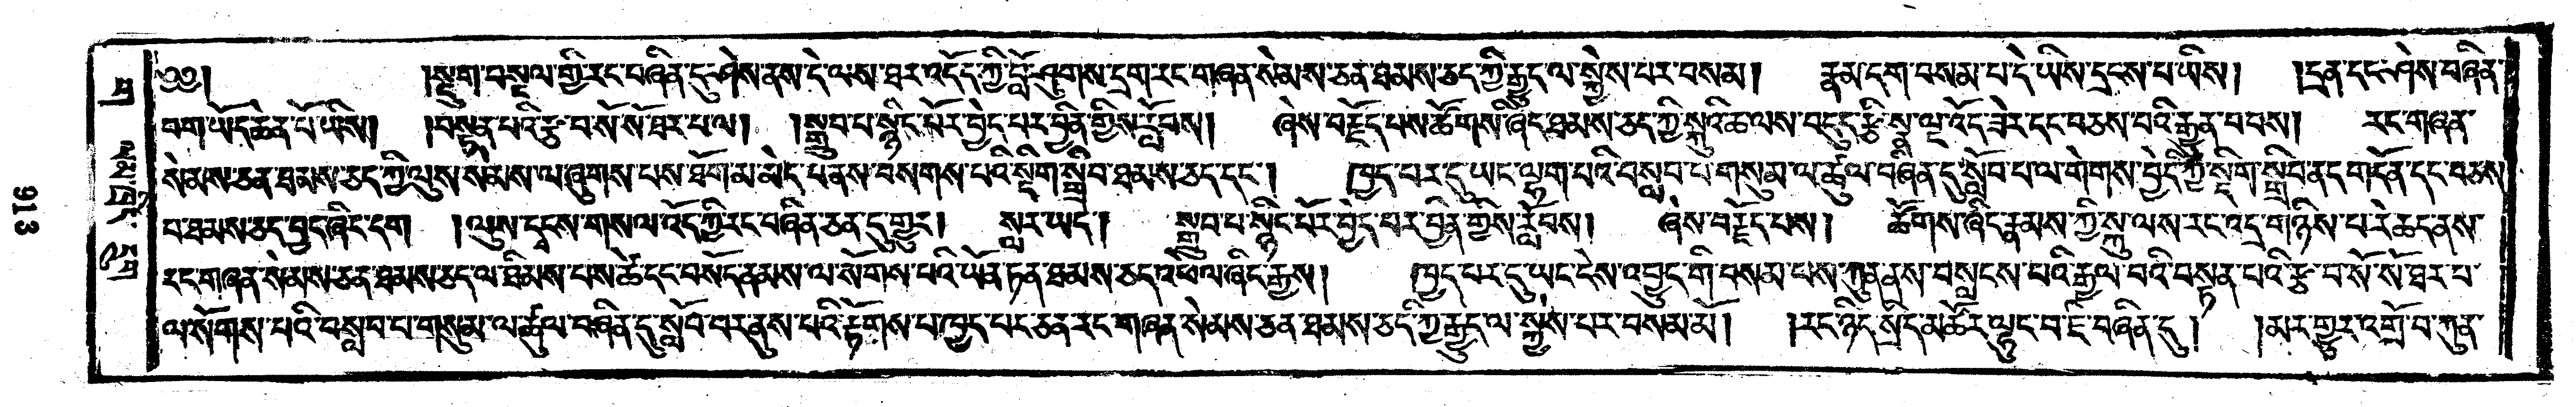༄༅། །སྡུག་བསྔལ་གྱི་རང་བཞིན་དུ་ཤེས་ནས་དེ་ལས་ཐར་འདོད་ཀྱི་བློ་ཤུགས་དྲག་རང་གཞན་སེམས་ཅན་ཐམས་ཅད་ཀྱི་རྒྱུད་ལ་སྐྱེས་པར་བསམ། རྣམ་དག་བསམ་པ་དེ་ཡིས་དྲངས་པ་ཡིས། །དྲན་དང་ཤེས་བཞིན་
བག་ཡོད་ཆེན་པོ་ཡིས། །བསྟན་པའི་རྩ་བ་སོ་སོ་ཐར་པ་ལ། །སྒྲུབ་པ་སྙིང་པོར་བྱེད་པར་བྱིན་གྱིས་རློབས། ཞེས་བརྗོད་པས་ཚོགས་ཞིང་ཐམས་ཅད་ཀྱི་སྐུའི་ཆ་ལས་བདུད་རྩི་སྣ་ལྔ་འོད་ཟེར་དང་བཅས་པའི་རྒྱུན་བབས། རང་གཞན་
སེམས་ཅན་ཐམས་ཅད་ཀྱི་ལུས་སེམས་ལ་ཞུགས་པས་ཐོག་མ་མེད་པ་ནས་བསགས་པའི་སྡིག་སྒྲིབ་ཐམས་ཅད་དང་། ཁྱད་པར་དུ་ཡང་ལྷག་པའི་བསླབ་པ་གསུམ་ལ་ཚུལ་བཞིན་དུ་སློབ་པ་ལ་གེགས་བྱེད་ཀྱི་སྡིག་སྒྲིབ་ནད་གདོན་དང་བཅས་
བ་ཐམས་ཅད་བྱད་ཞིང་དག །ལུས་དྭངས་གསལ་འོད་ཀྱི་རང་བཞིན་ཅན་དུ་གྱུར། སླར་ཡང་། སྒྲུབ་པ་སྙིང་པོར་བྱེད་པར་བྱིན་གྱིས་རློབས། ཞེས་བརྗོད་པས། ཚོགས་ཞིང་རྣམས་ཀྱི་སྐུ་ལས་རང་འདྲ་གཉིས་པ་རེ་ཆད་ནས་
རང་གཞན་སེམས་ཅན་ཐམས་ཅད་ལ་ཐིམས་པས་ཚེ་དང་བསོད་ནམས་ལ་སོགས་པའི་ཡོན་ཏན་ཐམས་ཅད་འཕེལ་ཞིང་རྒྱས། ཁྱད་པར་དུ་ཡང་ངེས་འབྱུང་གི་བསམ་པས་ཀུན་ནས་བསླངས་པའི་རྒྱལ་བའི་བསྟན་པའི་རྩ་བ་སོ་སོ་ཐར་པ་
ལ་སོགས་པའི་བསླབ་པ་གསུམ་ལ་ཚུལ་བཞིན་དུ་སློབ་བར་ནུས་པའི་རྟོགས་པ་ཁྱད་པར་ཅན་རང་གཞན་སེམས་ཅན་ཐམས་ཅད་ཀྱི་རྒྱུད་ལ་སྐྱེས་པར་བསམ་མོ། །རང་ཉིད་སྲིད་མཚོར་ལྷུང་བ་ཇི་བཞིན་དུ། །མར་གྱུར་འགྲོ་བ་ཀུན་